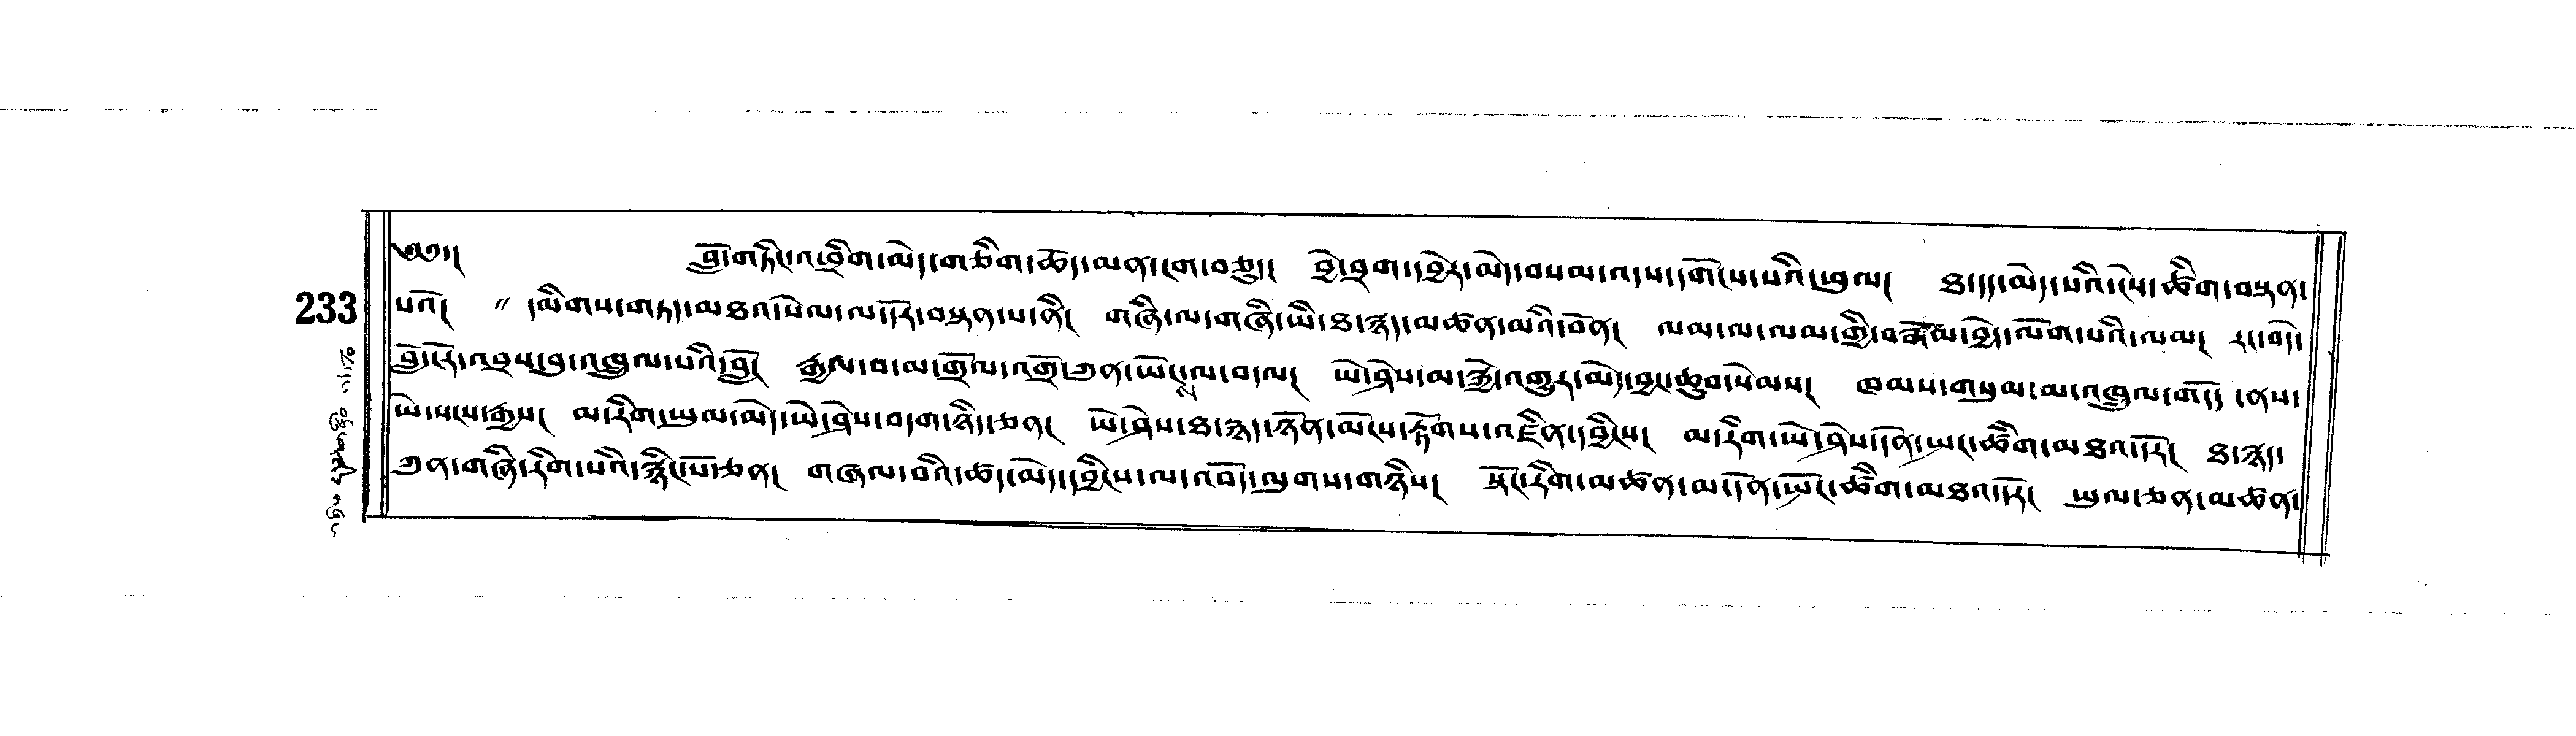བློ་གཏིང་འཕྲིག་མེད་གཅིག་ཆོད་མན་ངག་བཅུད། བྱེ་བྲག་དབྱེར་མེད་བསམ་འདས་དགོངས་པའི་ཕུལ། ཐ་དད་མེད་པའི་ངེས་ཚིག་བསྟན་
པའོ། ༧ དམིགས་གཏད་མཐའ་སེལ་ལ་དོར་བསྟན་པ་ནི། གཞི་ལ་གཞི་ཡི་ཐ་སྙད་མཚན་མའི་བོན། ལམ་ལ་ལམ་གྱིས་སྒོམ་བྱེད་ལོག་པའི་ལམ། རང་བདེ་
བློ་ངོར་འབྲས་བུ་འཁྲུལ་པའི་བློ། རྒྱལ་ལ་མ་གྲོལ་འགྲོ་ཀུན་ཡོངས་ལ་བདལ། ཡེ་ཤེས་མ་སྐྱེ་འགྱུར་མེད་བྱང་ཆུབ་སེམས། ཁམས་གསུམ་མ་འཁྲུལ་གདོད་ནས་
ཡེ་སངས་རྒྱས། མ་རིག་ཡུལ་མེད་ཡེ་ཤེས་བདག་ཉིད་ཅན། ཡེ་ཤེས་ཐ་སྙད་ཉོན་མོངས་རྟོག་འཛིན་དབྱིངས། མ་རིག་ཡེ་ཤེས་དོན་སྤོང་ཚིག་མཐའ་དོར། ཐ་སྙད་
ཀུན་གཞི་རིག་པའི་སྙིང་པོ་ཅན། གཞལ་བའི་ཚད་མེད་དབྱིངས་ལ་འབོད་ལུགས་གཉིས། སྟོང་རིག་མཚན་མ་དོན་སྤོང་ཚིག་མཐའ་དོར། ཡུལ་ཅན་མཚན་